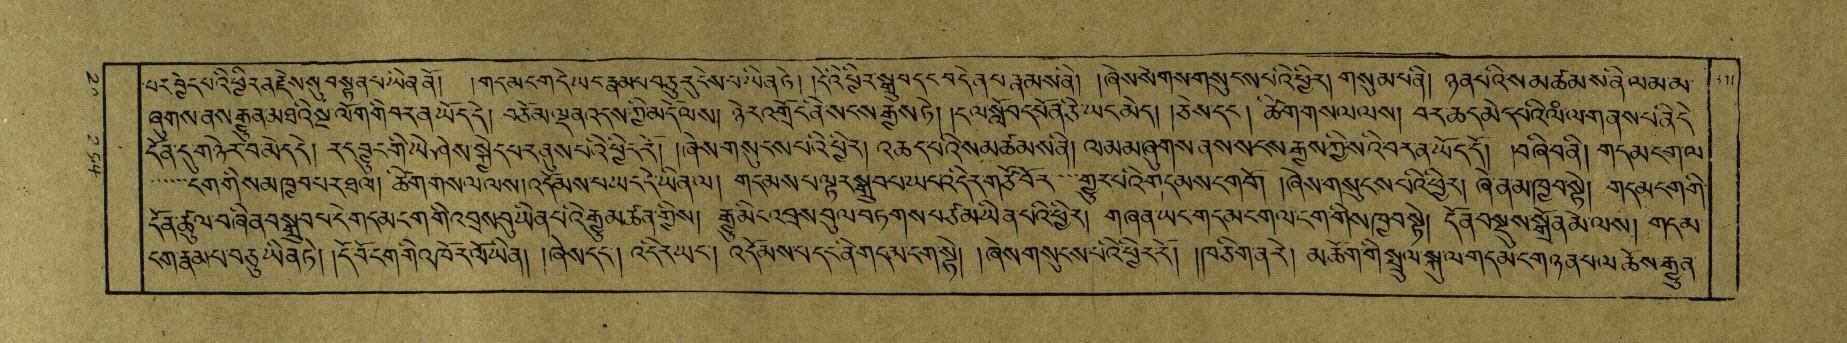པར་བྱེད་པའི་ཕྱིར་ན་རྗེས་སུ་བསྟན་པ་ཡིན་ནོ། །གདམ་ངག་དེ་ཡང་རྣམ་པ་བཅུ་རུ་ངེས་པ་ཡིན་ཏེ། །དེའི་ཕྱིར་སྒྲུབ་དང་བདེན་པ་རྣམས་ནི། །ཞེས་སོགས་གསུངས་པའི་ཕྱིར། གསུམ་པ་ནི། ཉན་པའི་ས་མཚམས་ནི་ལམ་མ་
ཞུགས་ནས་རྒྱུན་མཐའི་སྔ་ལོག་གི་བར་ན་ཡོད་དེ། བཅོམ་ལྡན་འདས་ཀྱི་མདོ་ལས། ཉེར་འགྲོ་ང་ནི་སངས་རྒྱས་ཏེ། །ང་ལ་སློབ་དཔོན་ཅི་ཡང་མེད། །ཅེས་དང་། ཚིག་གསལ་ལས། བར་ཆད་མེད་པའི་ལཾ་ལ་གནས་པ་ནི་དེ་
དོན་དུ་གཉེར་བ་མེད་དེ། རང་བྱུང་གི་ཡེ་ཤེས་སྐྱེད་པར་ནུས་པའི་ཕྱིར་རོ། །ཞེས་གསུངས་པའི་ཕྱིར། འཆད་པའི་ས་མཚམས་ནི། ལམ་མ་ཞུགས་ནས་སངས་རྒྱས་ཀྱི་སའི་བར་ན་ཡོད་དོ། །བཞི་བ་ནི། གདམ་ངག་ལ་
ངག་གིས་མ་ཁྱབ་པར་ཐལ། ཚིག་གསལ་ལས། འདོམས་པ་ཡང་དེ་ཡིན་ལ། གདམས་པ་ལྟར་སྒྲུབ་པ་ཡང་འདིར་གཙོ་བོར་གྱུར་པའི་གདམས་ངག་གོ །ཞེས་གསུངས་པའི་ཕྱིར། ཞེ་ན་མ་ཁྱབ་སྟེ། གདམ་ངག་གི་
དོན་ཚུལ་བཞིན་བསྒྲུབ་པ་དེ་གདམ་ངག་གི་འབྲས་བུ་ཡིན་པའི་རྒྱུ་མཚན་གྱིས། རྒྱུ་མིང་འབྲས་བུ་ལ་བཏགས་པ་ཙམ་ཡིན་པའི་ཕྱིར། གཞན་ཡང་གདམ་ངག་ལ་ངག་གིས་ཁྱབ་སྟེ། དོན་བསྡུས་སྒྲོན་མེ་ལས། གདམ་
ངག་རྣམ་པ་བཅུ་ཡིན་ཏེ། །དོ་བོ་ངག་གི་འཁོར་ལོ་ཡིན། །ཞེས་དང་། འདིར་ཡང་། འདོམས་པ་དང་ནི་གདམ་ངག་སྟེ། །ཞེས་གསུངས་པའི་ཕྱིར་རོ། །ཁ་ཅིག་ན་རེ། མཆོག་གི་སྤྲུལ་སྐུ་ལ་གདམ་ངག་ཉན་པ་ལ་ཆོས་རྒྱུན་